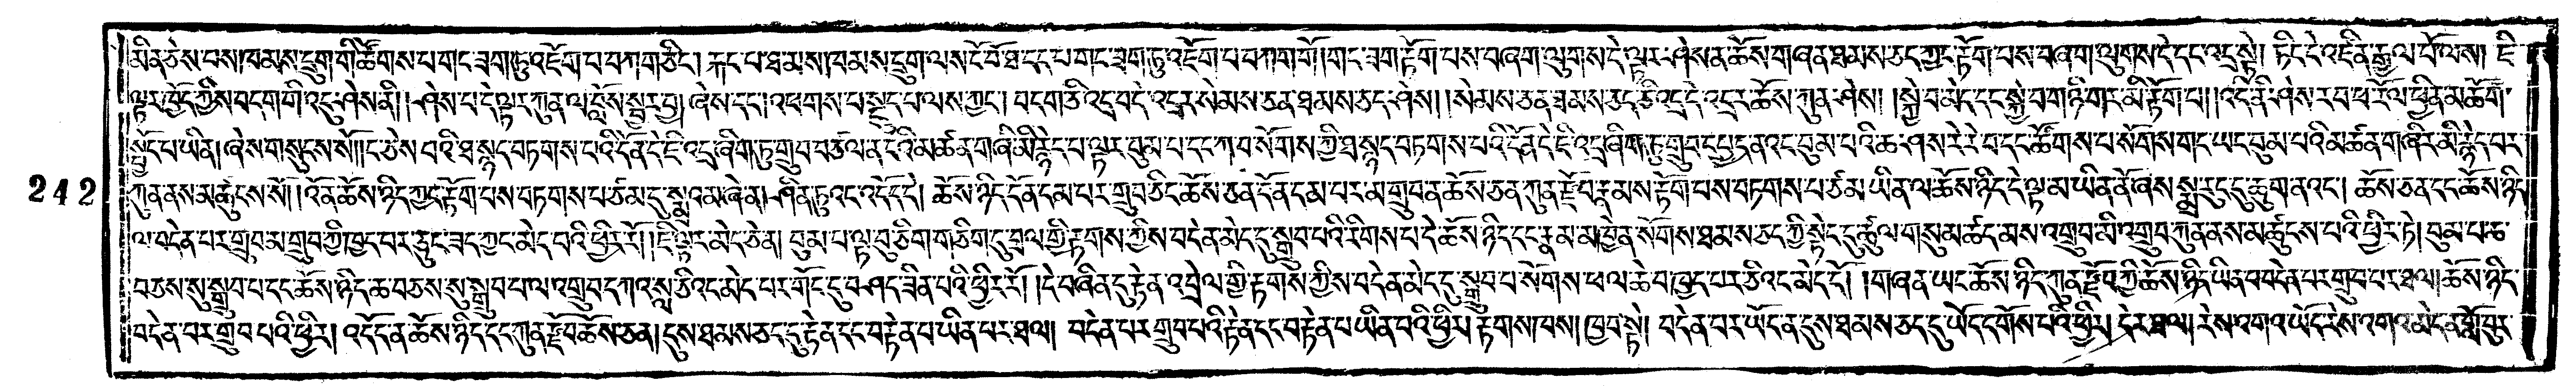མིན་ཅེས་པས་ཁམས་དྲུག་གི་ཚོགས་པ་གང་ཟག་ཏུ་འཇོག་པ་བཀག་ཅིང་། རྐང་པ་ཐ་མས་ཁམས་དྲུག་ལས་ངོ་བོ་ཐ་དད་པ་གང་ཟག་ཏུ་འཇོག་པ་བཀག་གོ །གང་ཟག་རྟོག་པས་བཞག་ལུགས་དེ་ལྟར་ཤེས་ན་ཆོས་གཞན་ཐམས་ཅད་ཀྱང་རྟོག་པས་བཞག་ལུགས་དེ་དང་འདྲ་སྟེ། ཏིང་ངེ་འཛིན་རྒྱལ་པོ་ལས། ཇི་
ལྟར་ཁྱོད་ཀྱིས་བདག་གི་འདུ་ཤེས་ནི། ཤེས་པ་དེ་ལྟར་ཀུན་ལ་བློས་སྦྱར་བྱ། ཞེས་དང་། འཕགས་བསྡུད་པ་ལས་ཀྱང་། བདག་ཅི་འདྲ་བ་དེ་འདྲར་སེམས་ཅན་ཐམས་ཅད་ཤེས། །སེམས་ཅན་ཐམས་ཅད་ཅི་འདྲ་དེ་འདྲར་ཆོས་ཀུན་ཤེས། །སྐྱེ་བ་མེད་དང་སྐྱེ་བ་གཉི་གར་མི་རྟོག་པ། །འདི་ནི་ཤེས་རབ་ཕ་རོལ་ཕྱིན་མཆོག་
སྤྱོད་པ་ཡིན། ཞེས་གསུངས་སོ། །ང་ཅེས་པའི་ཐ་སྙད་བཏགས་པའི་དོན་དེ་ཇི་འདྲ་ཞིག་ཏུ་གྲུབ་བཙལ་ན་ངའི་མཚན་གཞི་མི་རྙེད་པ་ལྟར་བུམ་པ་དང་ཀ་བ་སོགས་ཀྱི་ཐ་སྙད་བཏགས་པའི་དོན་དེ་ཇི་འདྲ་ཞིག་ཏུ་གྲུབ་དཔྱད་ནའང་བུམ་པའི་ཆ་ཤས་རེ་རེ་བ་དང་ཚོགས་པ་སོགས་གང་ཡང་བུམ་པའི་མཚན་གཞིར་མི་རྙེད་པར་
ཀུན་ནས་མཚུངས་སོ། །འོན་ཆོས་ཉིད་ཀྱང་རྟོག་པས་བཏགས་པ་ཙམ་དུ་སྨྲའམ་ཞེ་ན། ཤིན་ཏུའང་འདོད་དེ། ཆོས་ཉིད་དོན་དམ་པར་གྲུབ་ཅིང་ཆོས་ཅན་དོན་དམ་པར་མ་གྲུབ་ན་ཆོས་ཅན་ཀུན་རྫོབ་རྣམས་རྟོག་པས་བཏགས་པ་ཙམ་ཡིན་ལ་ཆོས་ཉིད་དེ་ལྟ་མ་ཡིན་ནོ་ཞེས་སྨྲ་རུ་འདུ་ཆུ་ག་ནའང་། ཆོས་ཅན་དང་ཆོས་ཉིད་
ལ་བདེན་པར་གྲུབ་མ་གྲུབ་ཀྱི་ཁྱད་པར་ཅུང་ཟད་ཀྱང་མེད་པའི་ཕྱིར་རོ། །ཇི་ལྟར་མེད་ཅེ་ན། བུམ་པ་ལྟ་བུ་ཅིག་གཅིག་དུ་བྲལ་གྱི་རྟགས་ཀྱིས་བདེན་མེད་དུ་སྒྲུབ་པའི་རིགས་པ་དེ་ཆོས་ཉིད་དང་རྣམ་མཁྱེན་སོགས་ཐམས་ཅད་ཀྱི་སྟེང་དུ་ཚུལ་གསུམ་ཚད་མས་འགྲུབ་མི་འགྲུབ་ཀུན་ནས་མཚུངས་པའི་ཕྱིར་ཏེ། བུམ་པ་ཆ་
བཅས་སུ་སྒྲུབ་པ་དང་ཆོས་ཉིད་ཆ་བཅས་སུ་སྒྲུབ་པ་ལ་འགྲུབ་དཀའ་སླ་ཅིའང་མེད་པར་གོང་དུ་བཤད་ཟིན་པའི་ཕྱིར་རོ། །དེ་བཞིན་དུ་རྟེན་འབྲེལ་གྱི་རྟགས་ཀྱིས་བདེན་མེད་དུ་སྒྲུབ་པ་སོགས་ཕལ་ཆེ་བ་ཁྱད་པར་ཅིའང་མེད་དོ། །གཞན་ཡང་ཆོས་ཉིད་ཀུན་རྫོབ་ཀྱི་ཆོས་ཉིད་ཡིན་པ་བདེན་པར་གྲུབ་པར་ཐལ། ཆོས་ཉིད་
བདེན་པར་གྲུབ་པའི་ཕྱིར། འདོད་ན་ཆོས་ཉིད་དང་ཀུན་རྫོབ་ཆོས་ཅན། དུས་ཐམས་ཅད་དུ་རྟེན་དང་བརྟེན་པ་ཡིན་པར་ཐལ། བདེན་པར་གྲུབ་པའི་རྟེན་དང་བརྟེན་པ་ཡིན་པའི་ཕྱིར། རྟགས་ཁས། ཁྱབ་སྟེ། བདེན་པར་ཡོད་ན་དུས་ཐམས་ཅད་དུ་ཡོད་དགོས་པའི་ཕྱིར། དེར་ཐལ། རེས་འགའ་ཡོད་རེས་འགའ་མེད་ན་གློ་བུར་